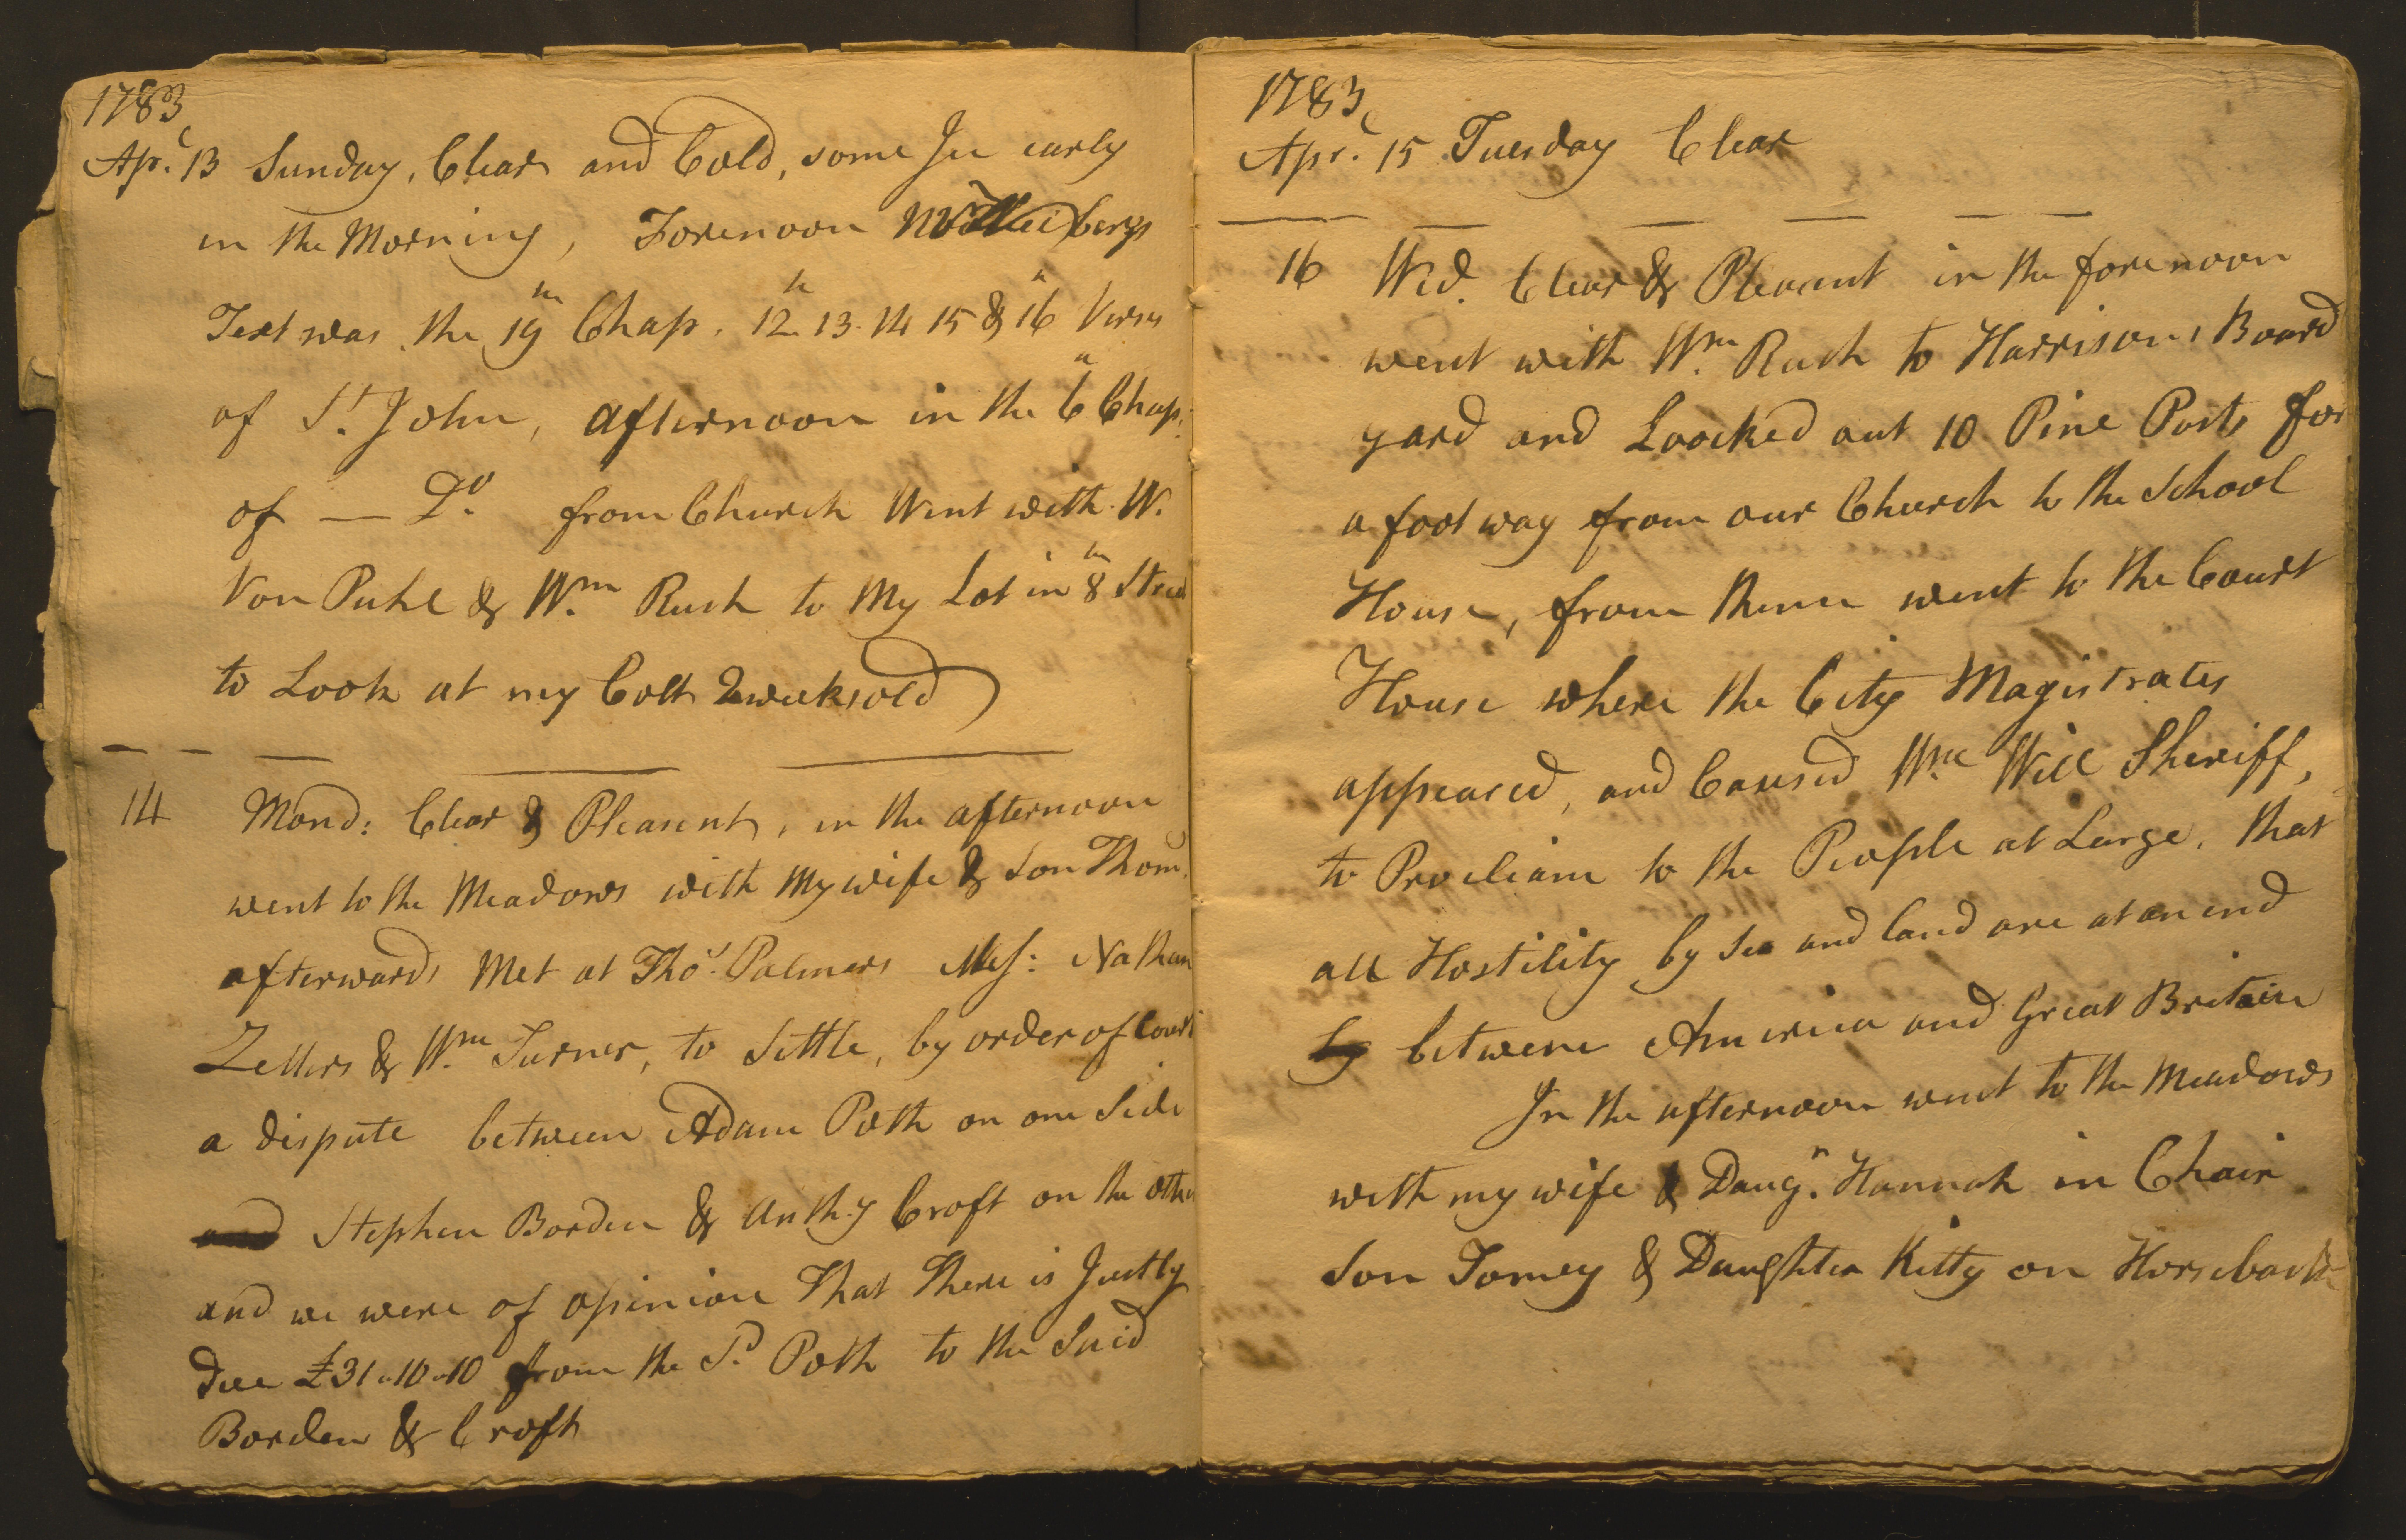1783
Apr^l. 13 Sunday, Clear and Cold, some Ice early
in the Morning, Forenoon M^r Weibergs
Text was the 19^th Chap. 12^h. 13. 14 15 & 16^h Verses
of S^t. John, afternoon in the 6^th Chaps
of- D^o. from Church Went with W.
Von Puhl & W^m. Rush to My Lot in 8^th Street
to Look at my Colt 2 weeks old
14 Mond. Clear & Pleasent, in the afternoon
went to the Meadows with My wife & son Thom
afterwards Met at Tho^s. Pakmers Mes: Nathan
Zellers & W^m. Turner, to Settle, by order of Court
a dispute between Adam Poth on one side
[and] Stephen Borden & Anth^y. Croft on the other
and we were of opinion That There is Justly
due £31.10.10 from the s^d. Poth to the Said
Borden & Croft
1783
Apr^l. 15 Tuesday Clear
16 Wed Clear & Pleasent in the forenoon
went with W^m. Rush to Harrisons Board
yard and Loocked out 10 Pine Posts for
a foot way from our Church to the School
House, from thence went to the Court
House where the City Magistrates
appeared and Caused W^m. Will Sheriff
to Proclaim to the People at Large. that
all Hostility by sea and land are at an end
[by] between America and Great Britain
In the afternoon went to the Meadows
with my wife & Daug^r. Hannah in Chair
Son Tomey & Daughter Kitty on Horseback